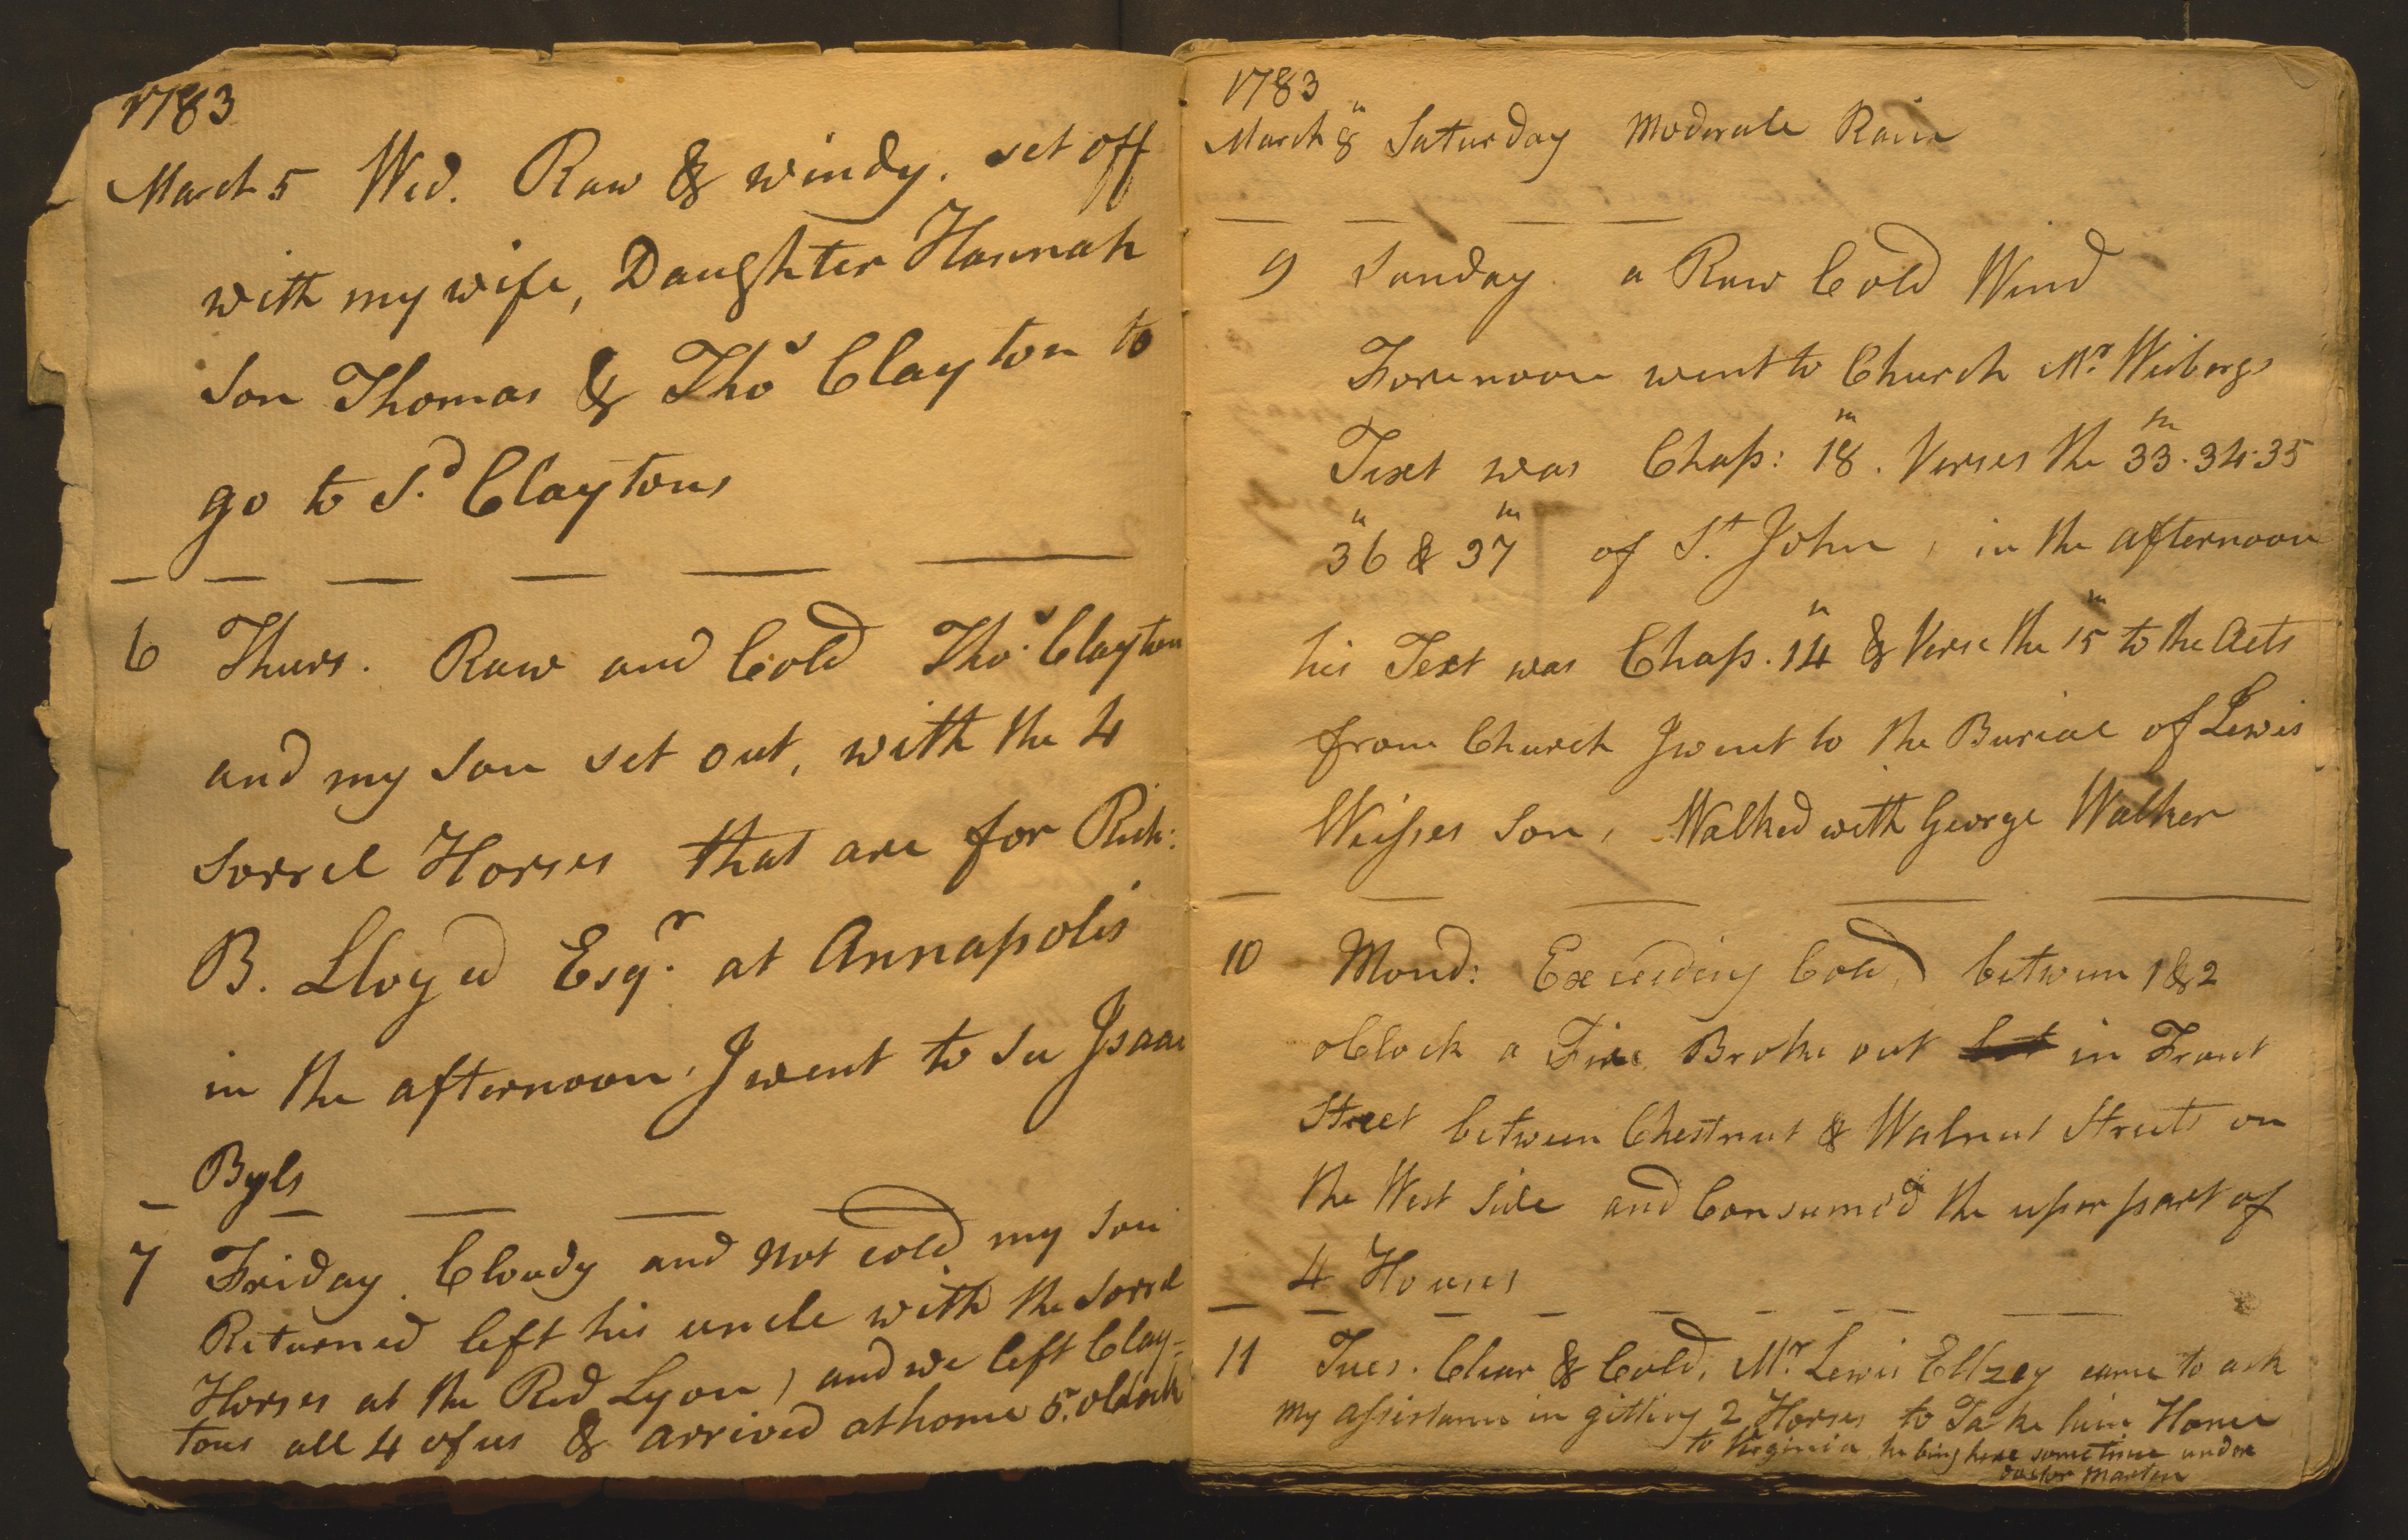1783
March 5 Wed. Raw & windy. set off
with my wife, Daughter Hannah
Son Thomas & Tho^s Clayton to
go to s^d. Claytons
6 Thurs. Raw and Cold, Tho^s. Clayto
and my son set out, with the 4
sorrel Horses that are for Rick:
B. Lloyed Esq^r. at Annapolis
in the afternoon. I went to see Isaac
Byls
7 Friday Cloudy and not cold my son
Returned left his uncle with the Sorrel
Horses at the Red Lyon, and we left Clay-
tons all 4 of us & arrived at home 5 oClock
1783
March 8^th Saturday Moderate Rain
9 Sunday. a Raw Cold Wind
Forenoon went to Church M^r. Weiberg
Text was Chap: 18^th. Verses the 33^th. 34 35
36^th & 37^th of S^t. John, n the afternoon
his Text was Chap. 14^th & Verse the 15^th to the Acts
from Church I went to the Burial of Lewes
Weisses son, Walked with George Walker
10 Mond. Exceeding Cold, betwum 1 & 2
oClock a Fire Broke out [bet] in Front
Street between Chestnut & Walnut Streets on
the West side and Consume'd the uper part of
4 Houses
11 Tues. Clear & Cold, M^r. Lewis Eltzey came to ask
My assistance in gitting 2 Horses to Take him Home
to Virginia, he being here some time under
dustor Martin